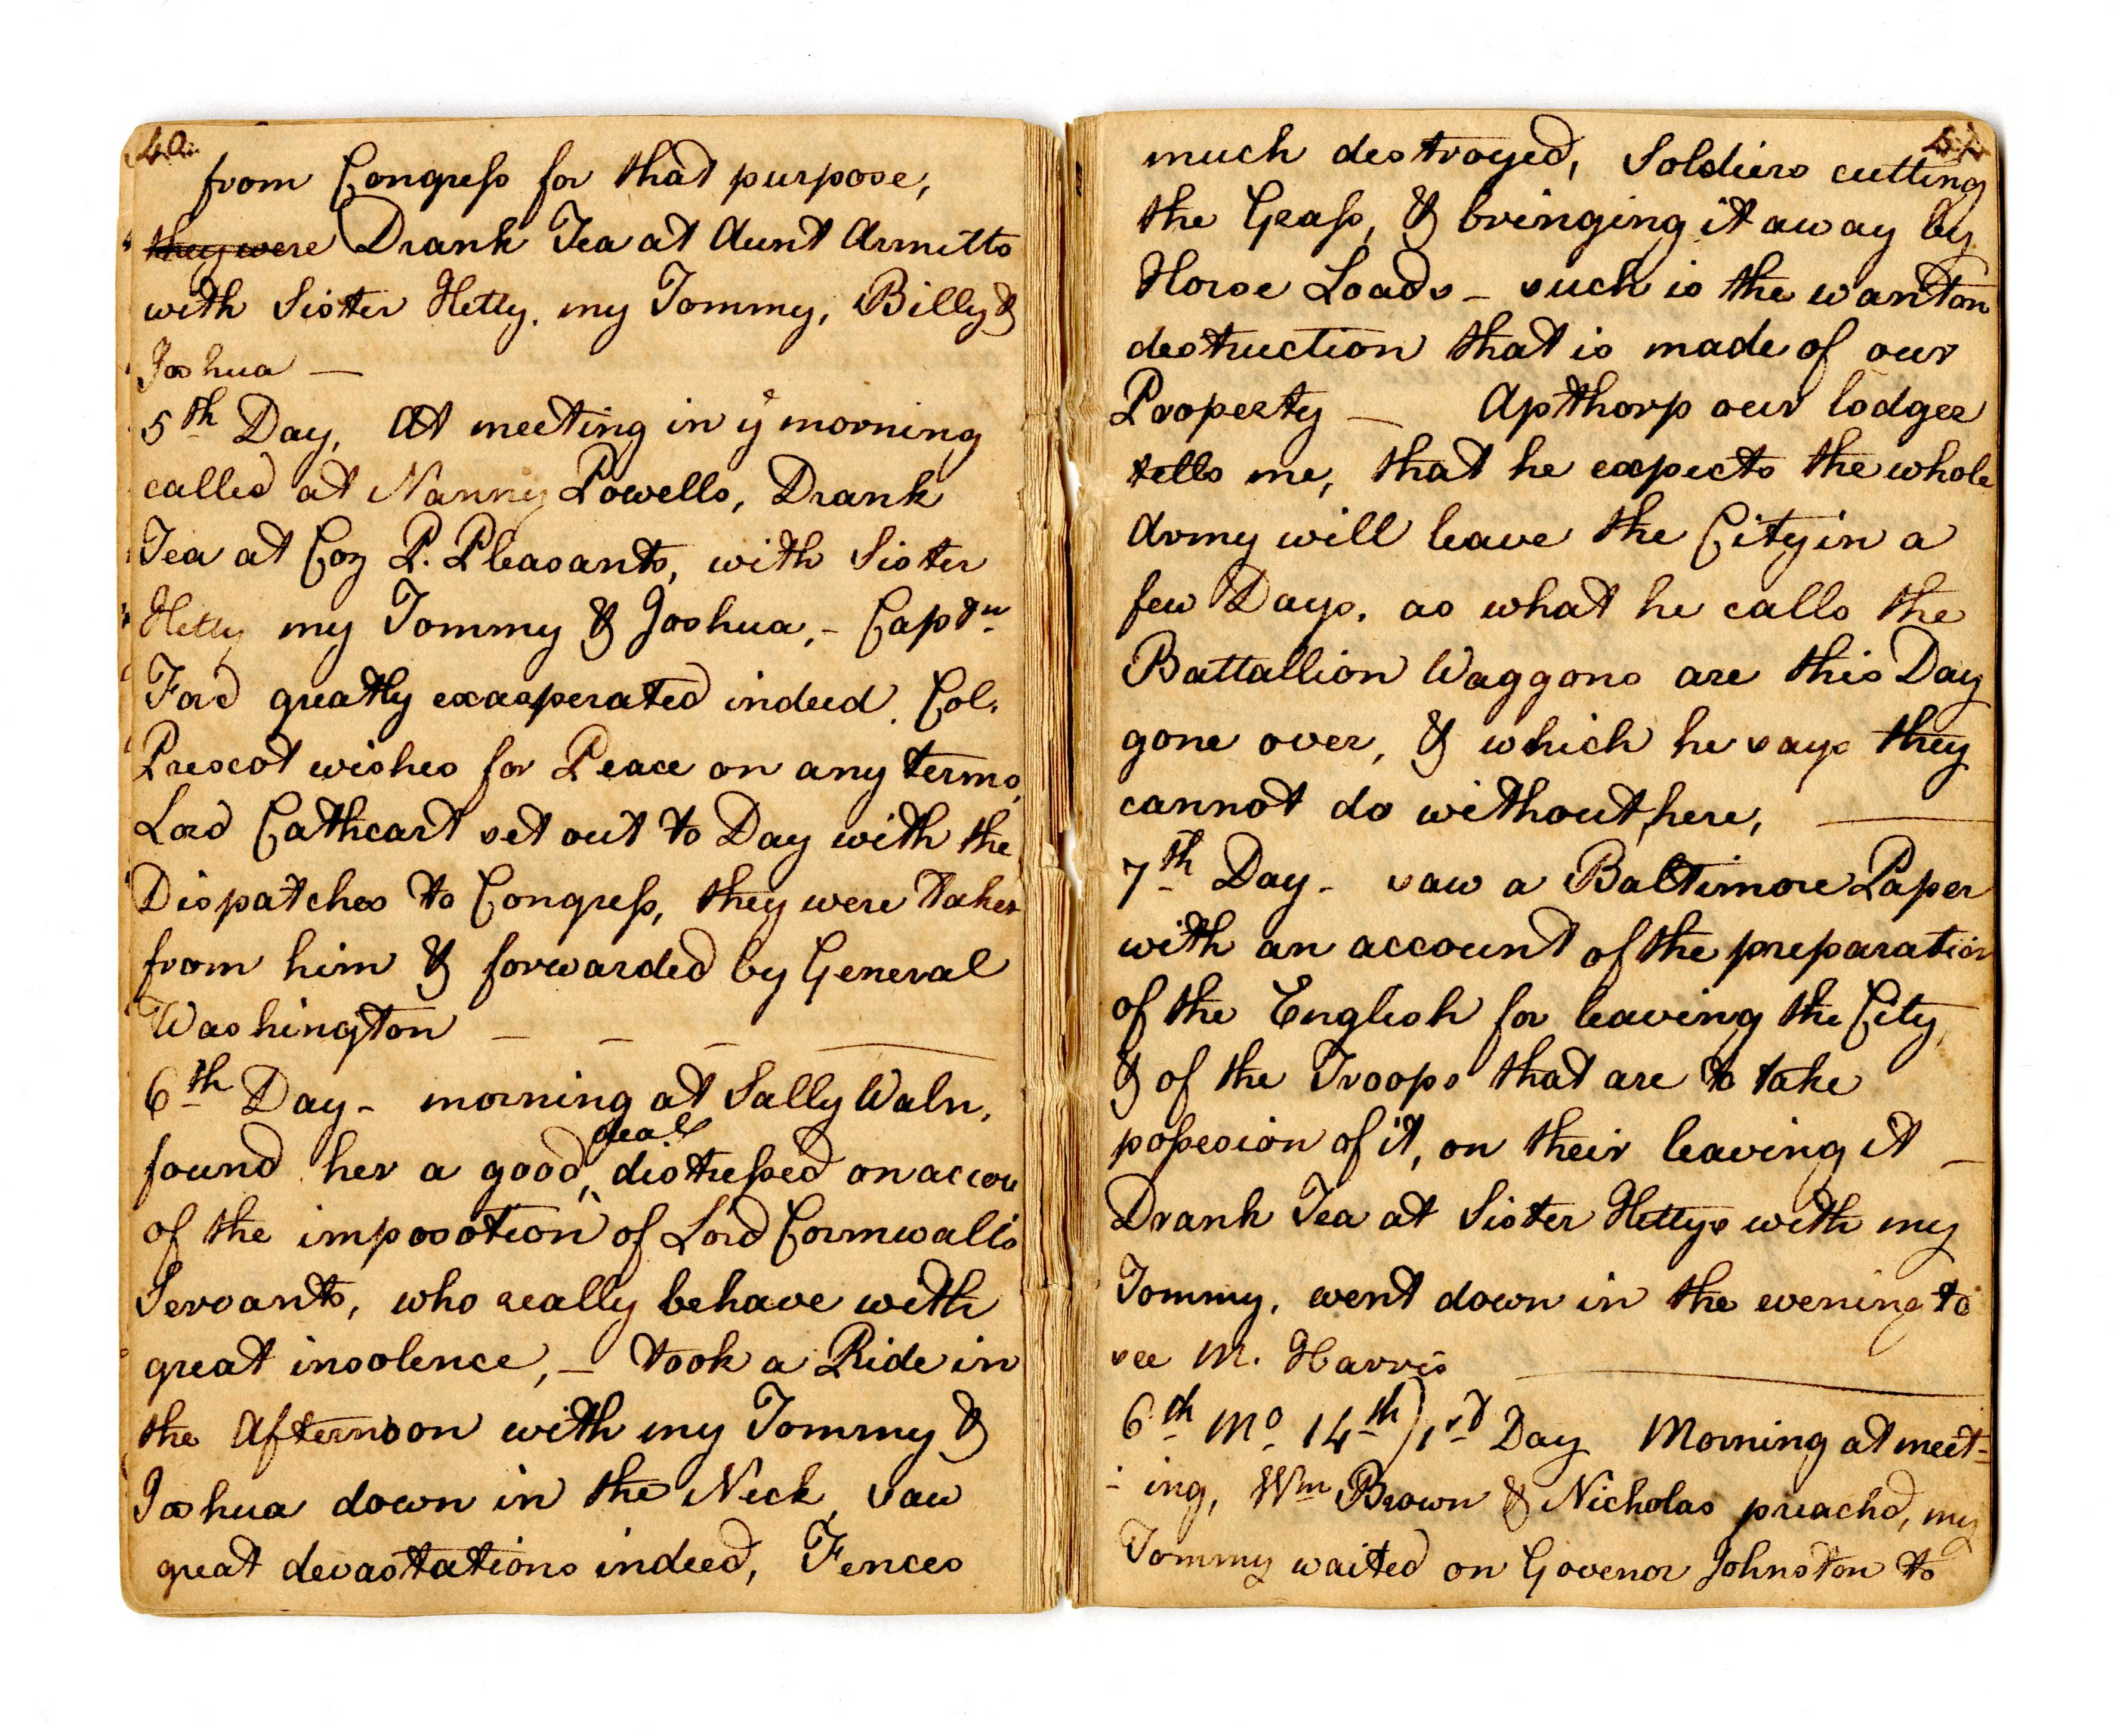40
from Congress for that purpose,
they were Drank Tea at Aunt Armitts
with Sister Hetty, my Tommy, Billy &
Joshua-
5^th Day, At meeting in y^e morning
called at Nanny Powells, Drank
Tea at Coz P. Pleasants, with Sister
Hetty my Tommy & Joshua- Capt^n
Ford greatly exasperated indeed, Col.
Prescot wishes for Peace on any terms
Lord Cathcart set out to Day with the
Dispatches to Congress, they were taken
from him & forwarded by General
Washington-
6^th Day- morning at Sally Waln,
deal
found her a good ^ distressed on accou
of the imposotion of Lord Cornwalls
Servants, who really behave with
great insolence,- took a Ride in
the Afternoon with my Tommy &
Joshua down in the Neck saw
great devastations indeed, Fences
41
much destroyed, Soldiers cutting
the Grass, & bringing it away by
Horse Loads- such is the wanton
destruction that is made of our
Property- Apthorp our lodger
tells me, that he expects the whole
Army will leave the City in a
few Days, as what he calls the
Battallion Waggons are this Day
gone over, & which he says they
cannot do without here,-
7^th Day- saw a Baltimore Paper
with an account of the preparation
of the English for leaving the City
& of the Troops that are to take
possesion of it, on their leaving it
Drank Tea at Sister Hettys with my
Tommy, went down in the evening to
see M. Harris
6^th M^o. 14^th) 1^st Day. Morning at meet-
-ing, W^m Brown & Nicholas preachd, my
Tommy waited on Govenor Johnston to